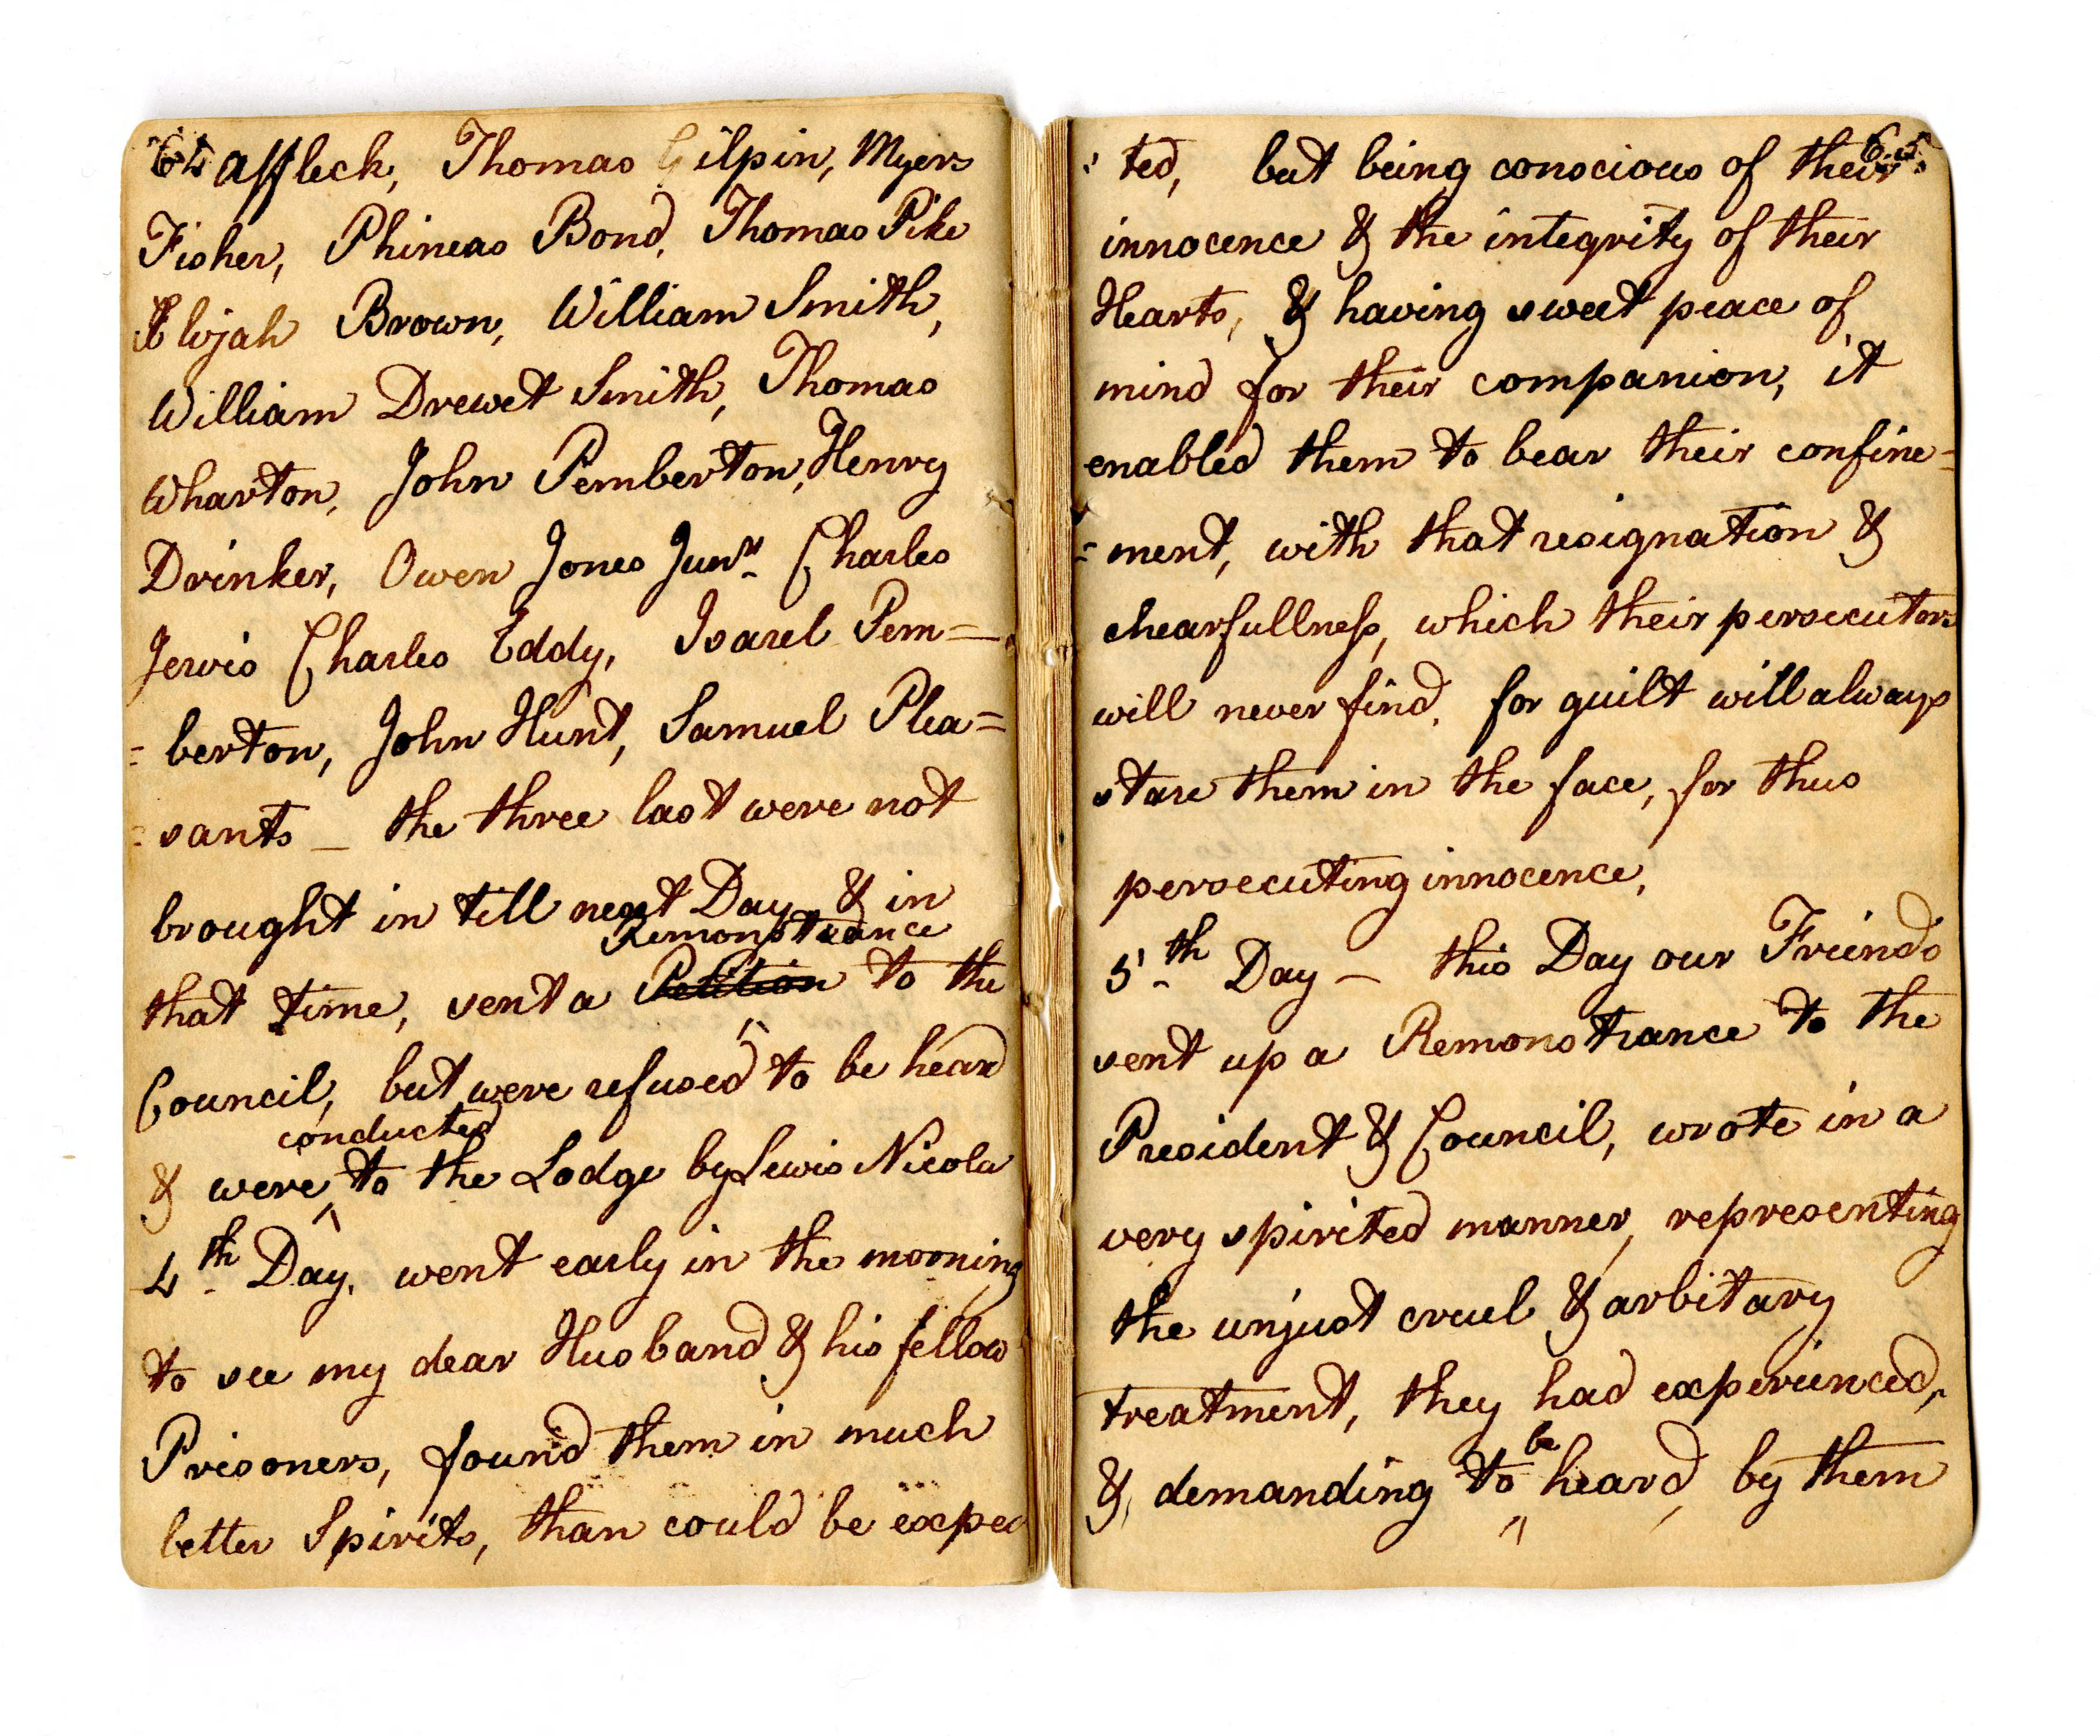Affleck, Thomas Gilpin, Myers
Fisher, Phineas Bond, Thomas Pike
Elijah Brown, William Smith,
William Drewet Smith, Thomas
Wharton, John Pemberton, Henry
Drinker, Owen Jones Jun^r. Charles
Jervis Charles Eddy, Isarel Pem-
-berton, John Hunt, Samuel Plea-
-sants- the three last were not
brought in till next Day & in
Remonstrance
that time, sent a [Petition] ^ to the
Council, but were refused to be heard
conducted
& were ^ to the Lodge by Lewis Nicola
4^th Day, went early in the morning
to see my dear Husband & his fellow
Prisoners, found them in much
better Spirits, than could be expec
-ted, but being conscious of their
innocence & the integrity of their
Heart, & having sweet peace of
mind for their companion, it
enabled them to bear their confine-
-ment, with that resignation &
chearfullness, which their persecutors
will never find, for guilt will always
stare them in the face, for thus
persecuting innocence,
5^th Day- this Day our Friends
sent up to a Remonstrance to the
President & Council, wrote in a
very spirited manner, representing
the unjust cruel & arbitrary
treatment, they had experienced,
be
& demanding to ^ heard by them